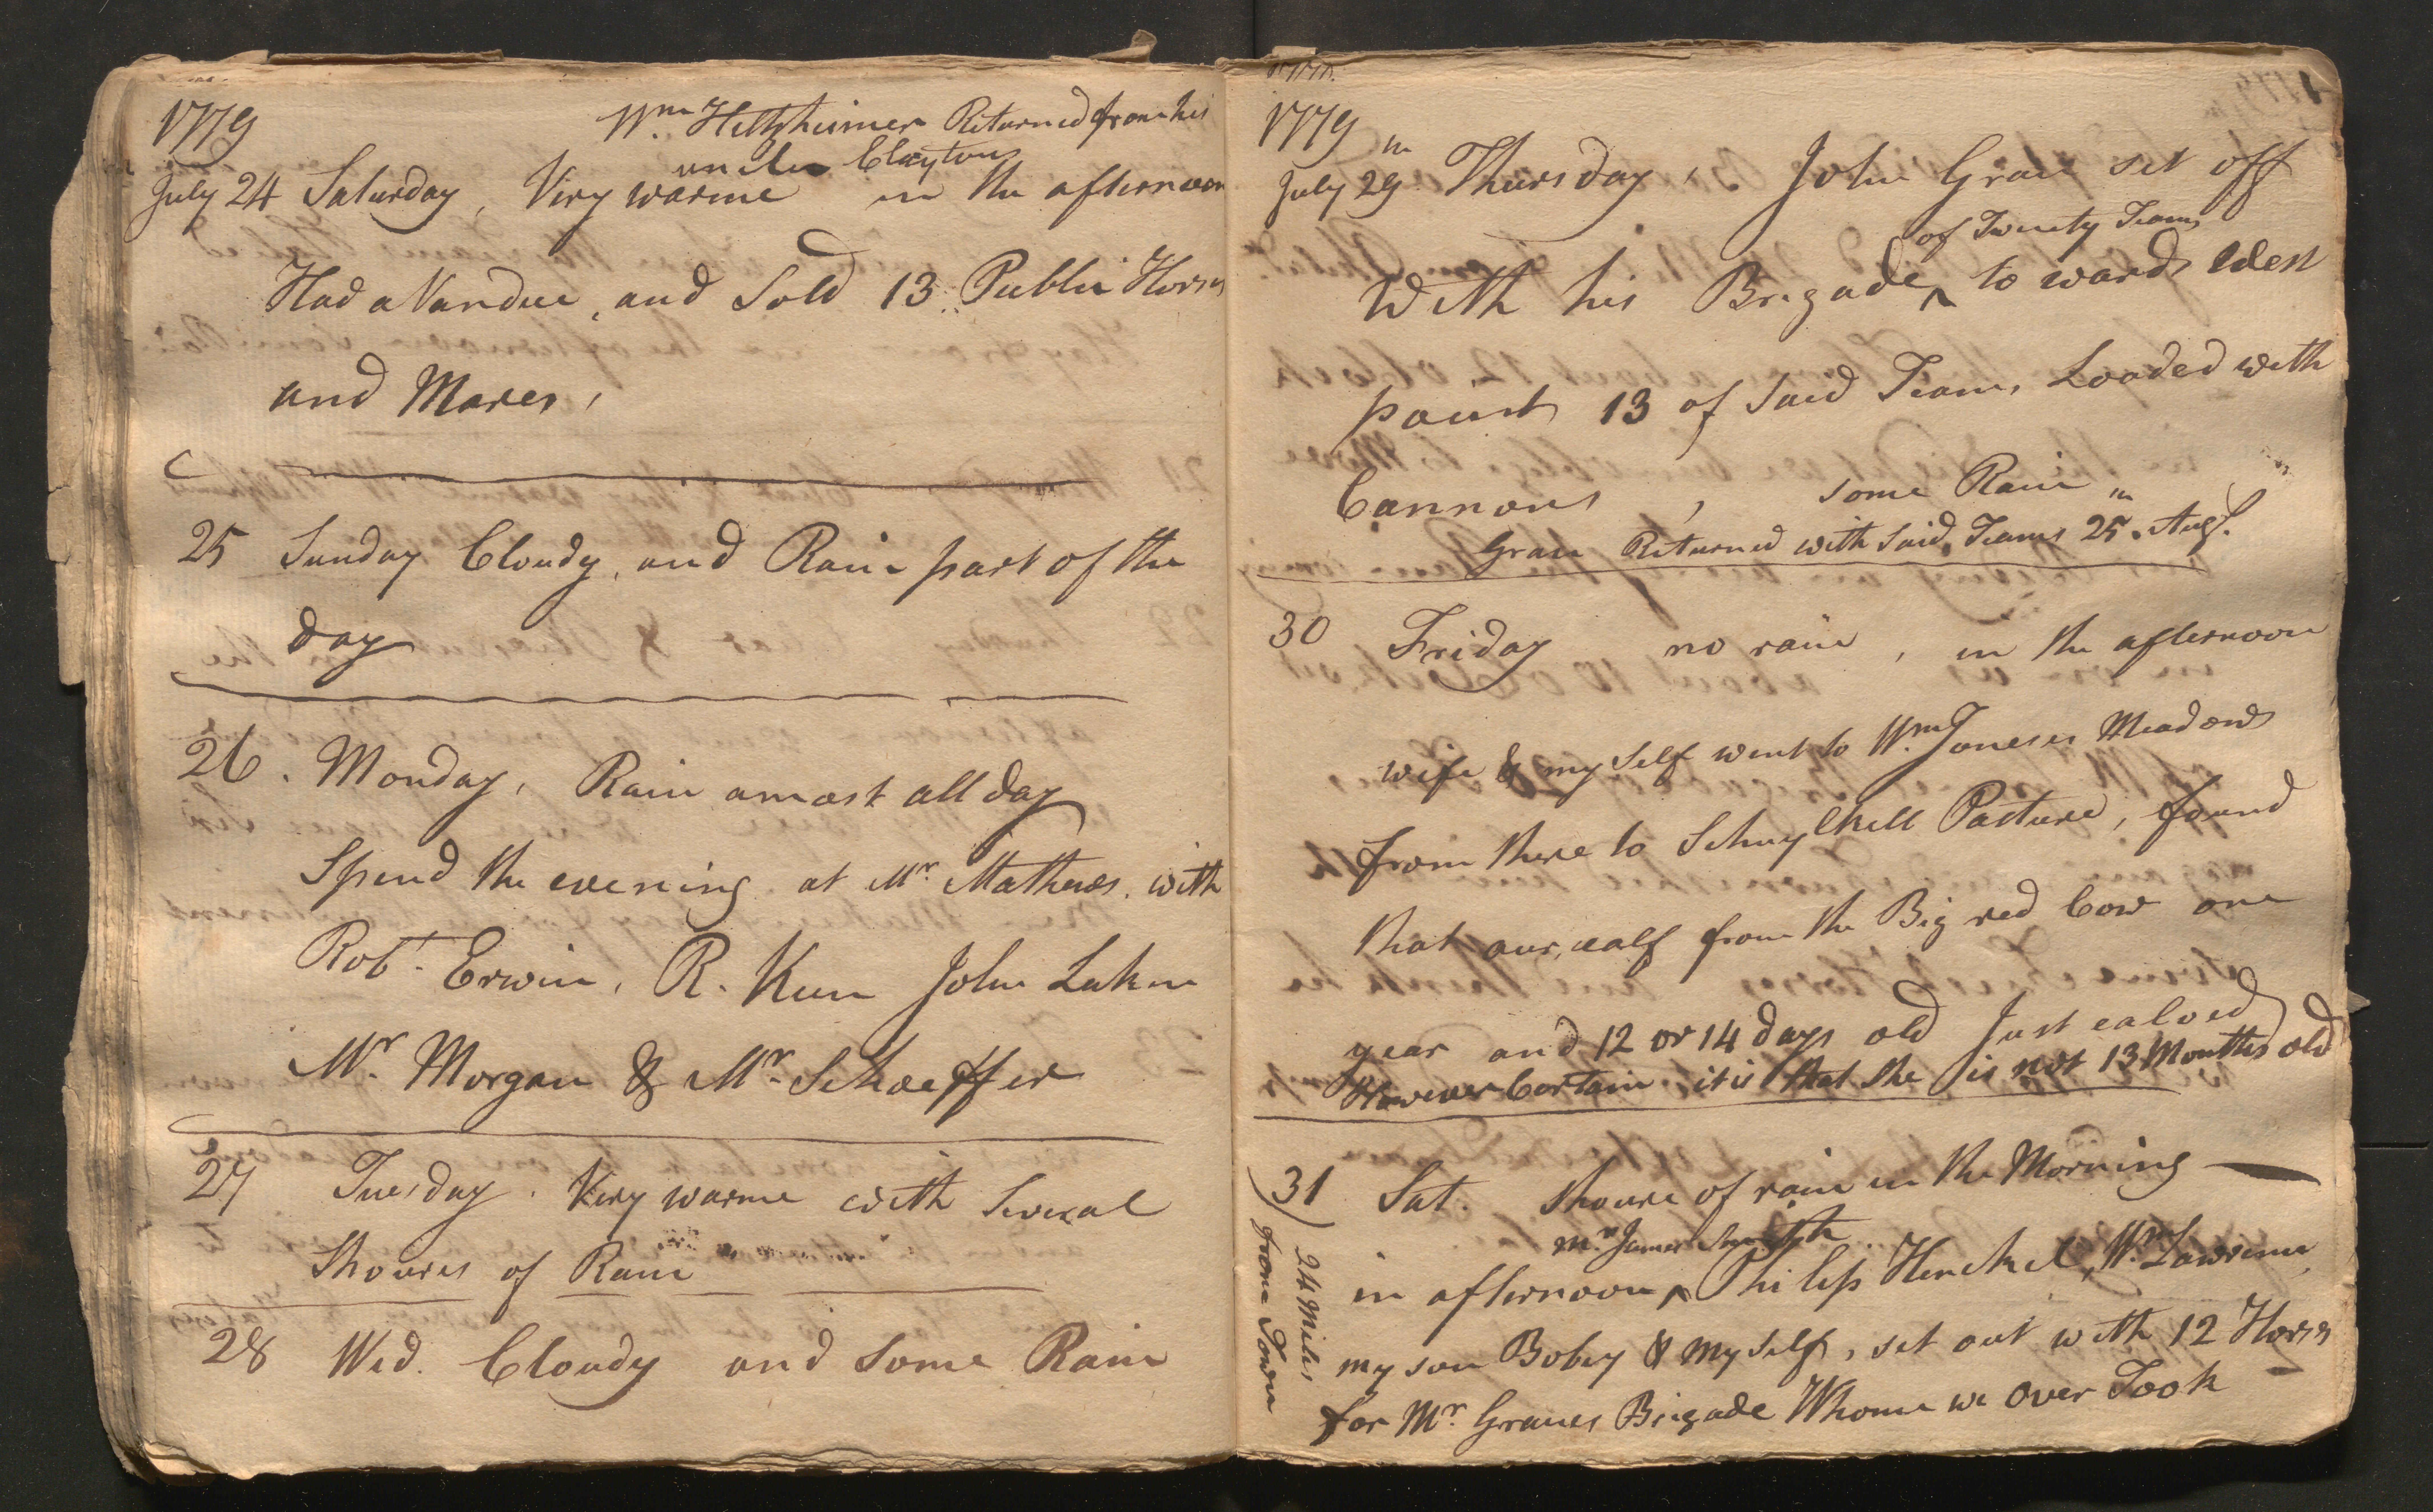1779
W^m. Hiltzheimer Returned from his
uncle Claytons
July 24 Saturday. Very warme in the afternoon
Had a Vendue, and Sold 13 Public Horses
and Mares
25 Sunday Cloudy, and Rain part of the
day
26. Monday. Rain amost all day
spend the evening at M^r. Mathews, with
Rob^t. Erwin, R. Kun John Lukens
M^r. Morgan & M^r. Schaeffer
27 Tuesday. Very warme with several
Shoures of Rain
28 Wed. Cloudy and some Rain
1779
July 29^th. Thursday John Grau set off
with his Brigade ^
of Tverety Teams
to wards West
point 13 of Said Teams Loaded with
Cannons
some Rain
Grau Returned with Said Teams 25. Aug^t.
30
Friday- no rain, in the afternoon
wife & my self went to W^m. Joneses Meadows
from there to Schuylkill Pasture, found
that our calf from the Big red Cow one
year and 12 or 14 days old Just calved
However Certain it is that she is not 13 Months old
31 Sat. shoure of rain in the Morning-
M^r. James Smith
in afternoon ^ Philip Henckel W^m Lawrence
my soue Bobey & myself, set out with 12 Horses
for M^r. Graveses Brigade Whome we over Took
24 Miles
frone Town